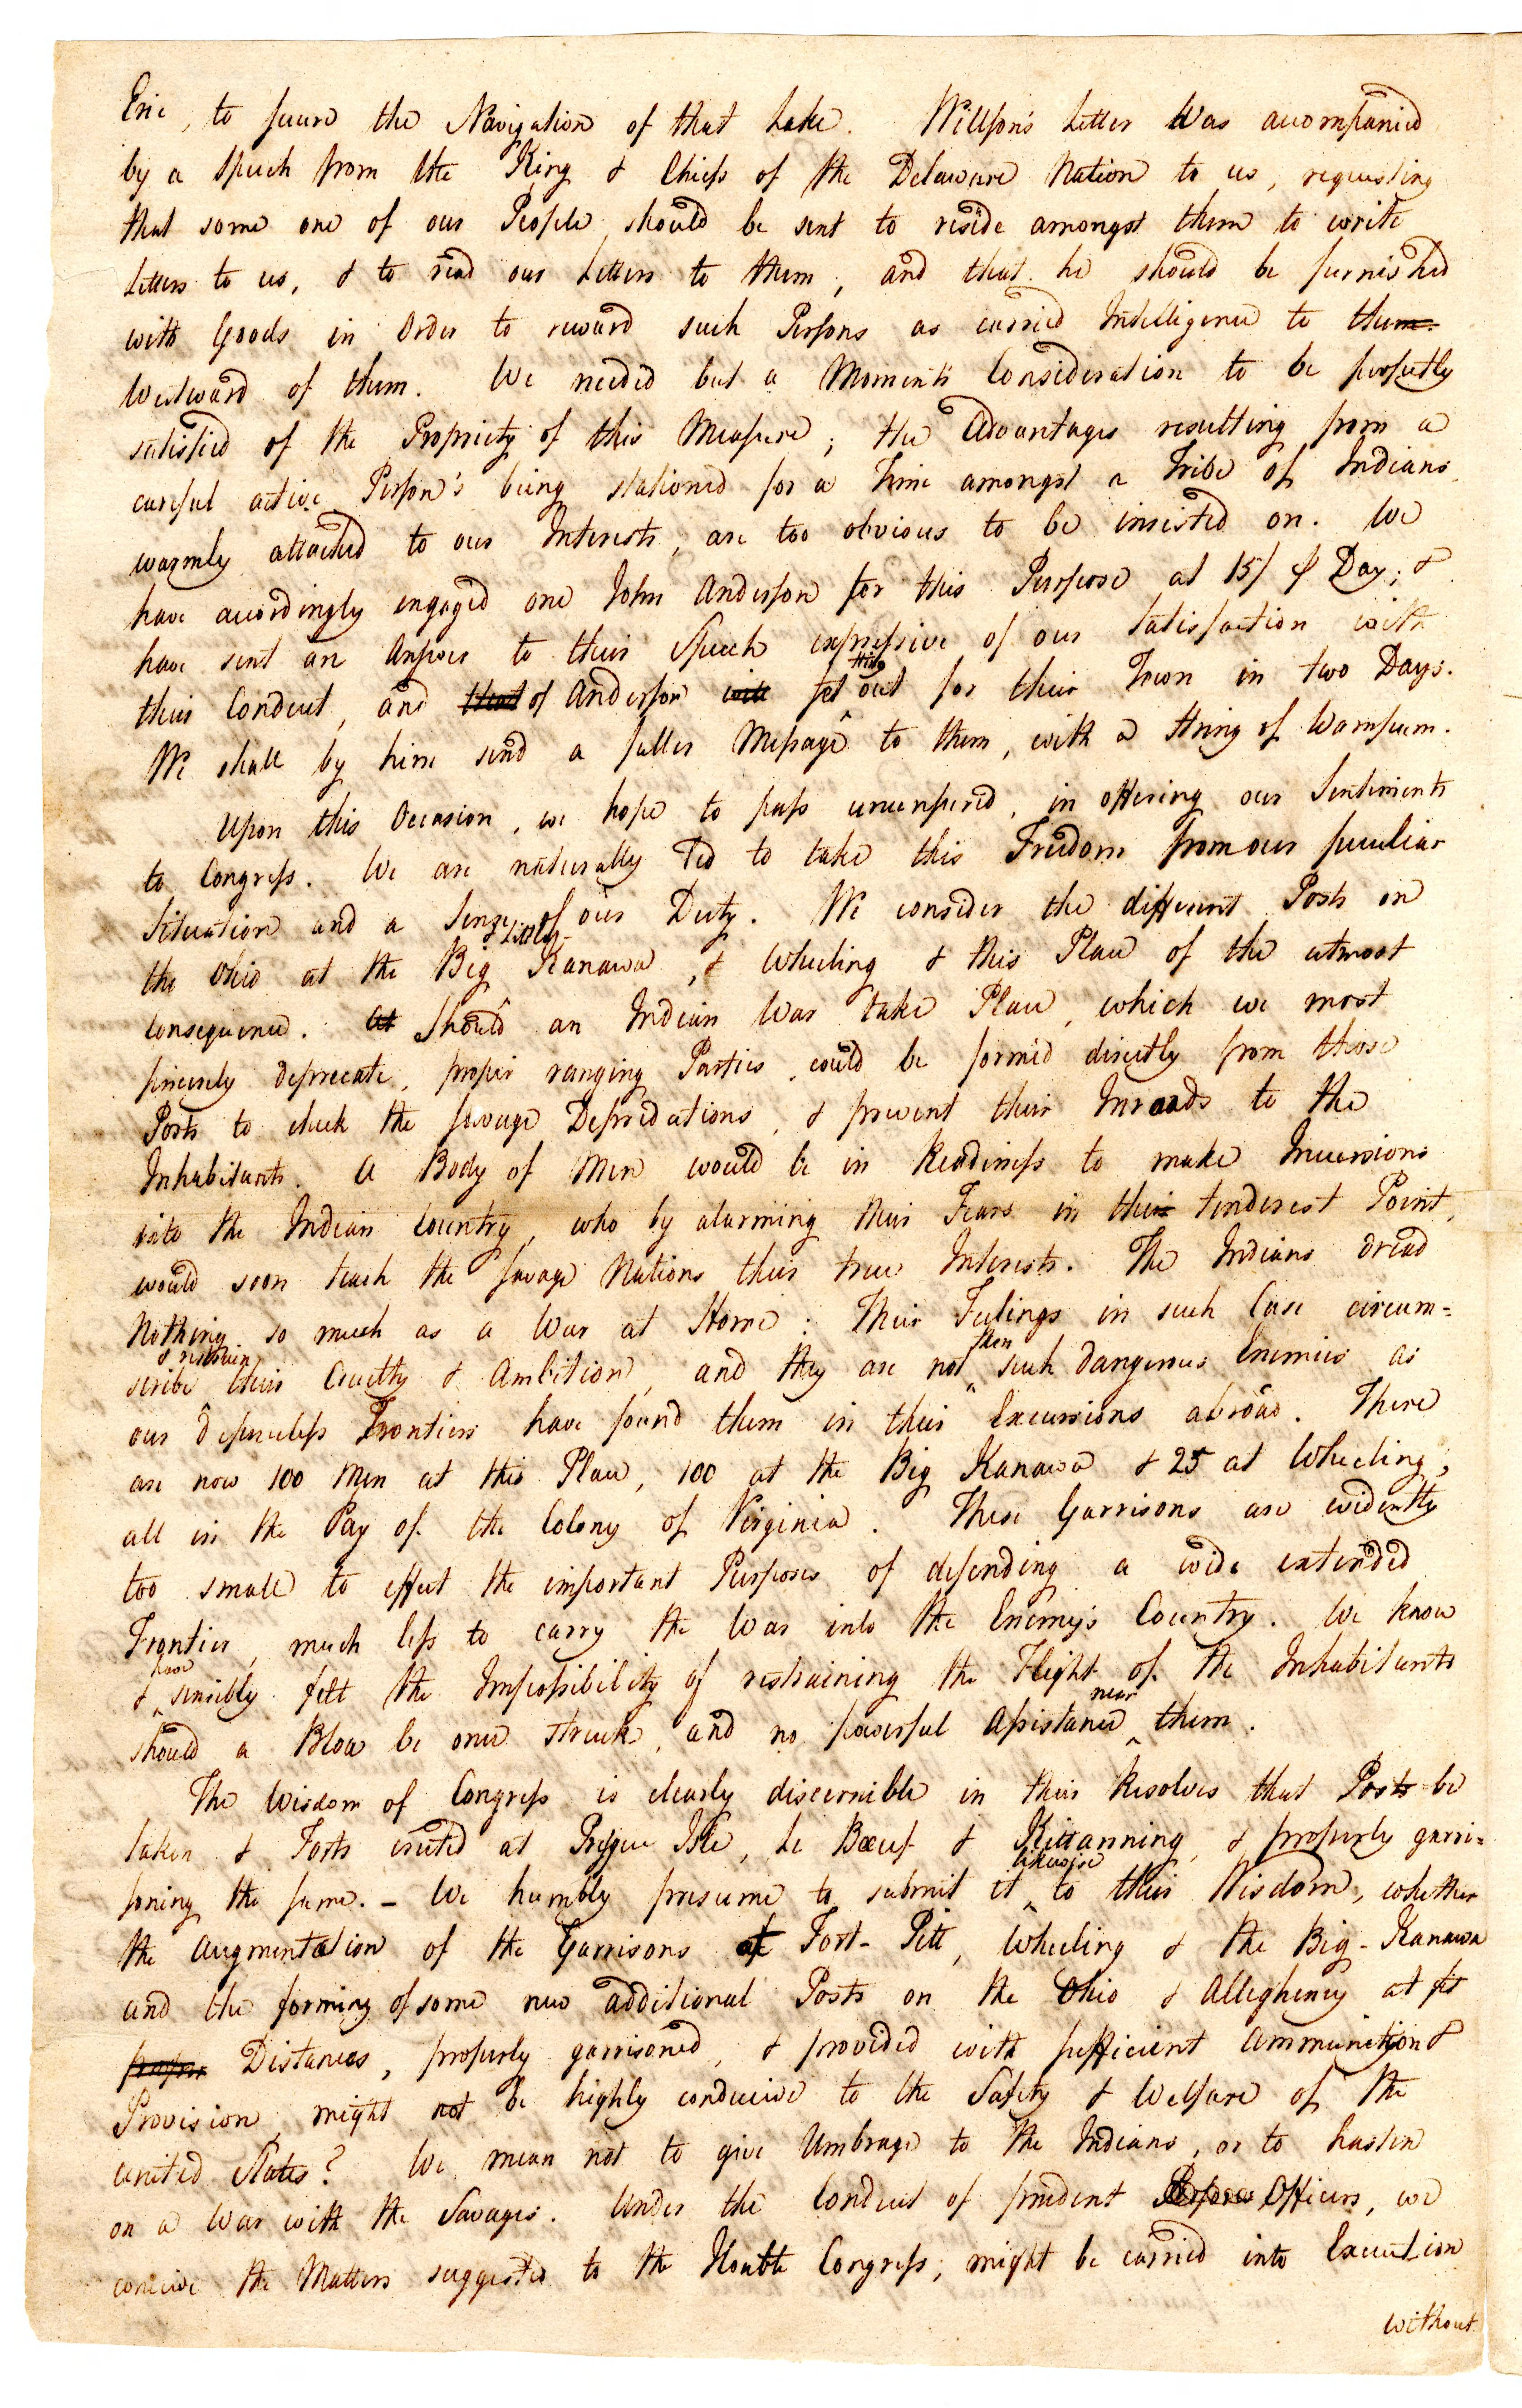Erie, to guard the Navigation of that Lake. Willson's Letter Was accompanied
by a Speech from the King & Chiefs of the Delaware Nation to us, requesting
that some one of our People should be sent to reside amongst them to write
Letters to us, & to read our Letters to them, and that he should be furnished
with Goods in Order to reward such Persons as carried Intelligence to the
Westward of them. We needed but a Moments Consideration to be perfectly
satisfied of the Propriety of this Measure; the Advantages resulting from a
careful active Person's being stationed for a Time amongst a Tribe of Indians
warmly attached to our Interests are too obvious to be insisted on. We
have accordingly engaged one John Anderson for this Purpose at 15/ per Day; &
have sent an Answer to their Speech expressive of our Satisfaction with
tting
this Conduct, and [that] of Anderson [will] set ^ out for their Town in two Days.
We shall by him send a fuller Message to them, with a String of Wampum.
Upon this Occasion, we hope to pass uncensured in offering our Sentiments
to Congress. We are naturally led to take this Freedom from our peculiar
Situation and a Sense of our Duty. We consider the different Posts on
& Little-
the Ohio at the Big ^ Kanawa, & Wheeling & this Place of the utmost
consequence. Should an Indian War take Place, which we most
sincerely deprecate, proper ranging Parties could be formed directly from those
Ports to check the Savage Depredations & prevent their Inroads to the
Inhabitants. A Body of Men would be in Readiness to make Incursions
into the Indian Country, who by alarming their Fears in their tenderest Point,
would soon teach the Savage Nations their true Interests. The Indians dread
Nothing so much as a War at Home: Their Feelings in such Case circum-
& retain
then
scribe ^ their Cruelty & Ambition, and they are not ^ such dangerous Enemies as
our defenseless frontiers have found them in their Excursions abroad. There
are now 100 Men at this Place, 100 at the Big Kanawa & 25 at Wheeling,
all in the Pay of the Colony of Virginia. These Garrisons are evidently
too small to effect the important Purposes of defending a wide extended
Frontier, much less to carry the war into the Enemy's Country. We know
have
& ^ sensibly felt the Impossibility of restraining the Flight of the Inhabitants
near
should a Blow be once struck, and no powerful Assistance ^ them.
The Wisdom of Congress is clearly discernible in their Resolves that Posts be
taken & Forts created at Presque Isle, Le Boeuf & Kittanning, & properly garri-
likewise
soning the same.- We humbly presume to submit it ^ to their Wisdom, whether
the augmentation of the Garrisons at Fort. Pitt, Wheeling & the Big Kanawa
and the forming of some new additional Posts on the Ohio & Allegheny at its
[proper] Distances, properly garrisoned, & provided with sufficient ammunition &
Provision, might not be highly conducive to the Safety & Welfare of the
united States? We mean not to give umbrage to the Indians, or to hasten
on a War with the Savages. Under the Conduct of Incident [Persons] Officers, we
conceive the Matters suggested to the Honble Congress might be carried into Execution
without